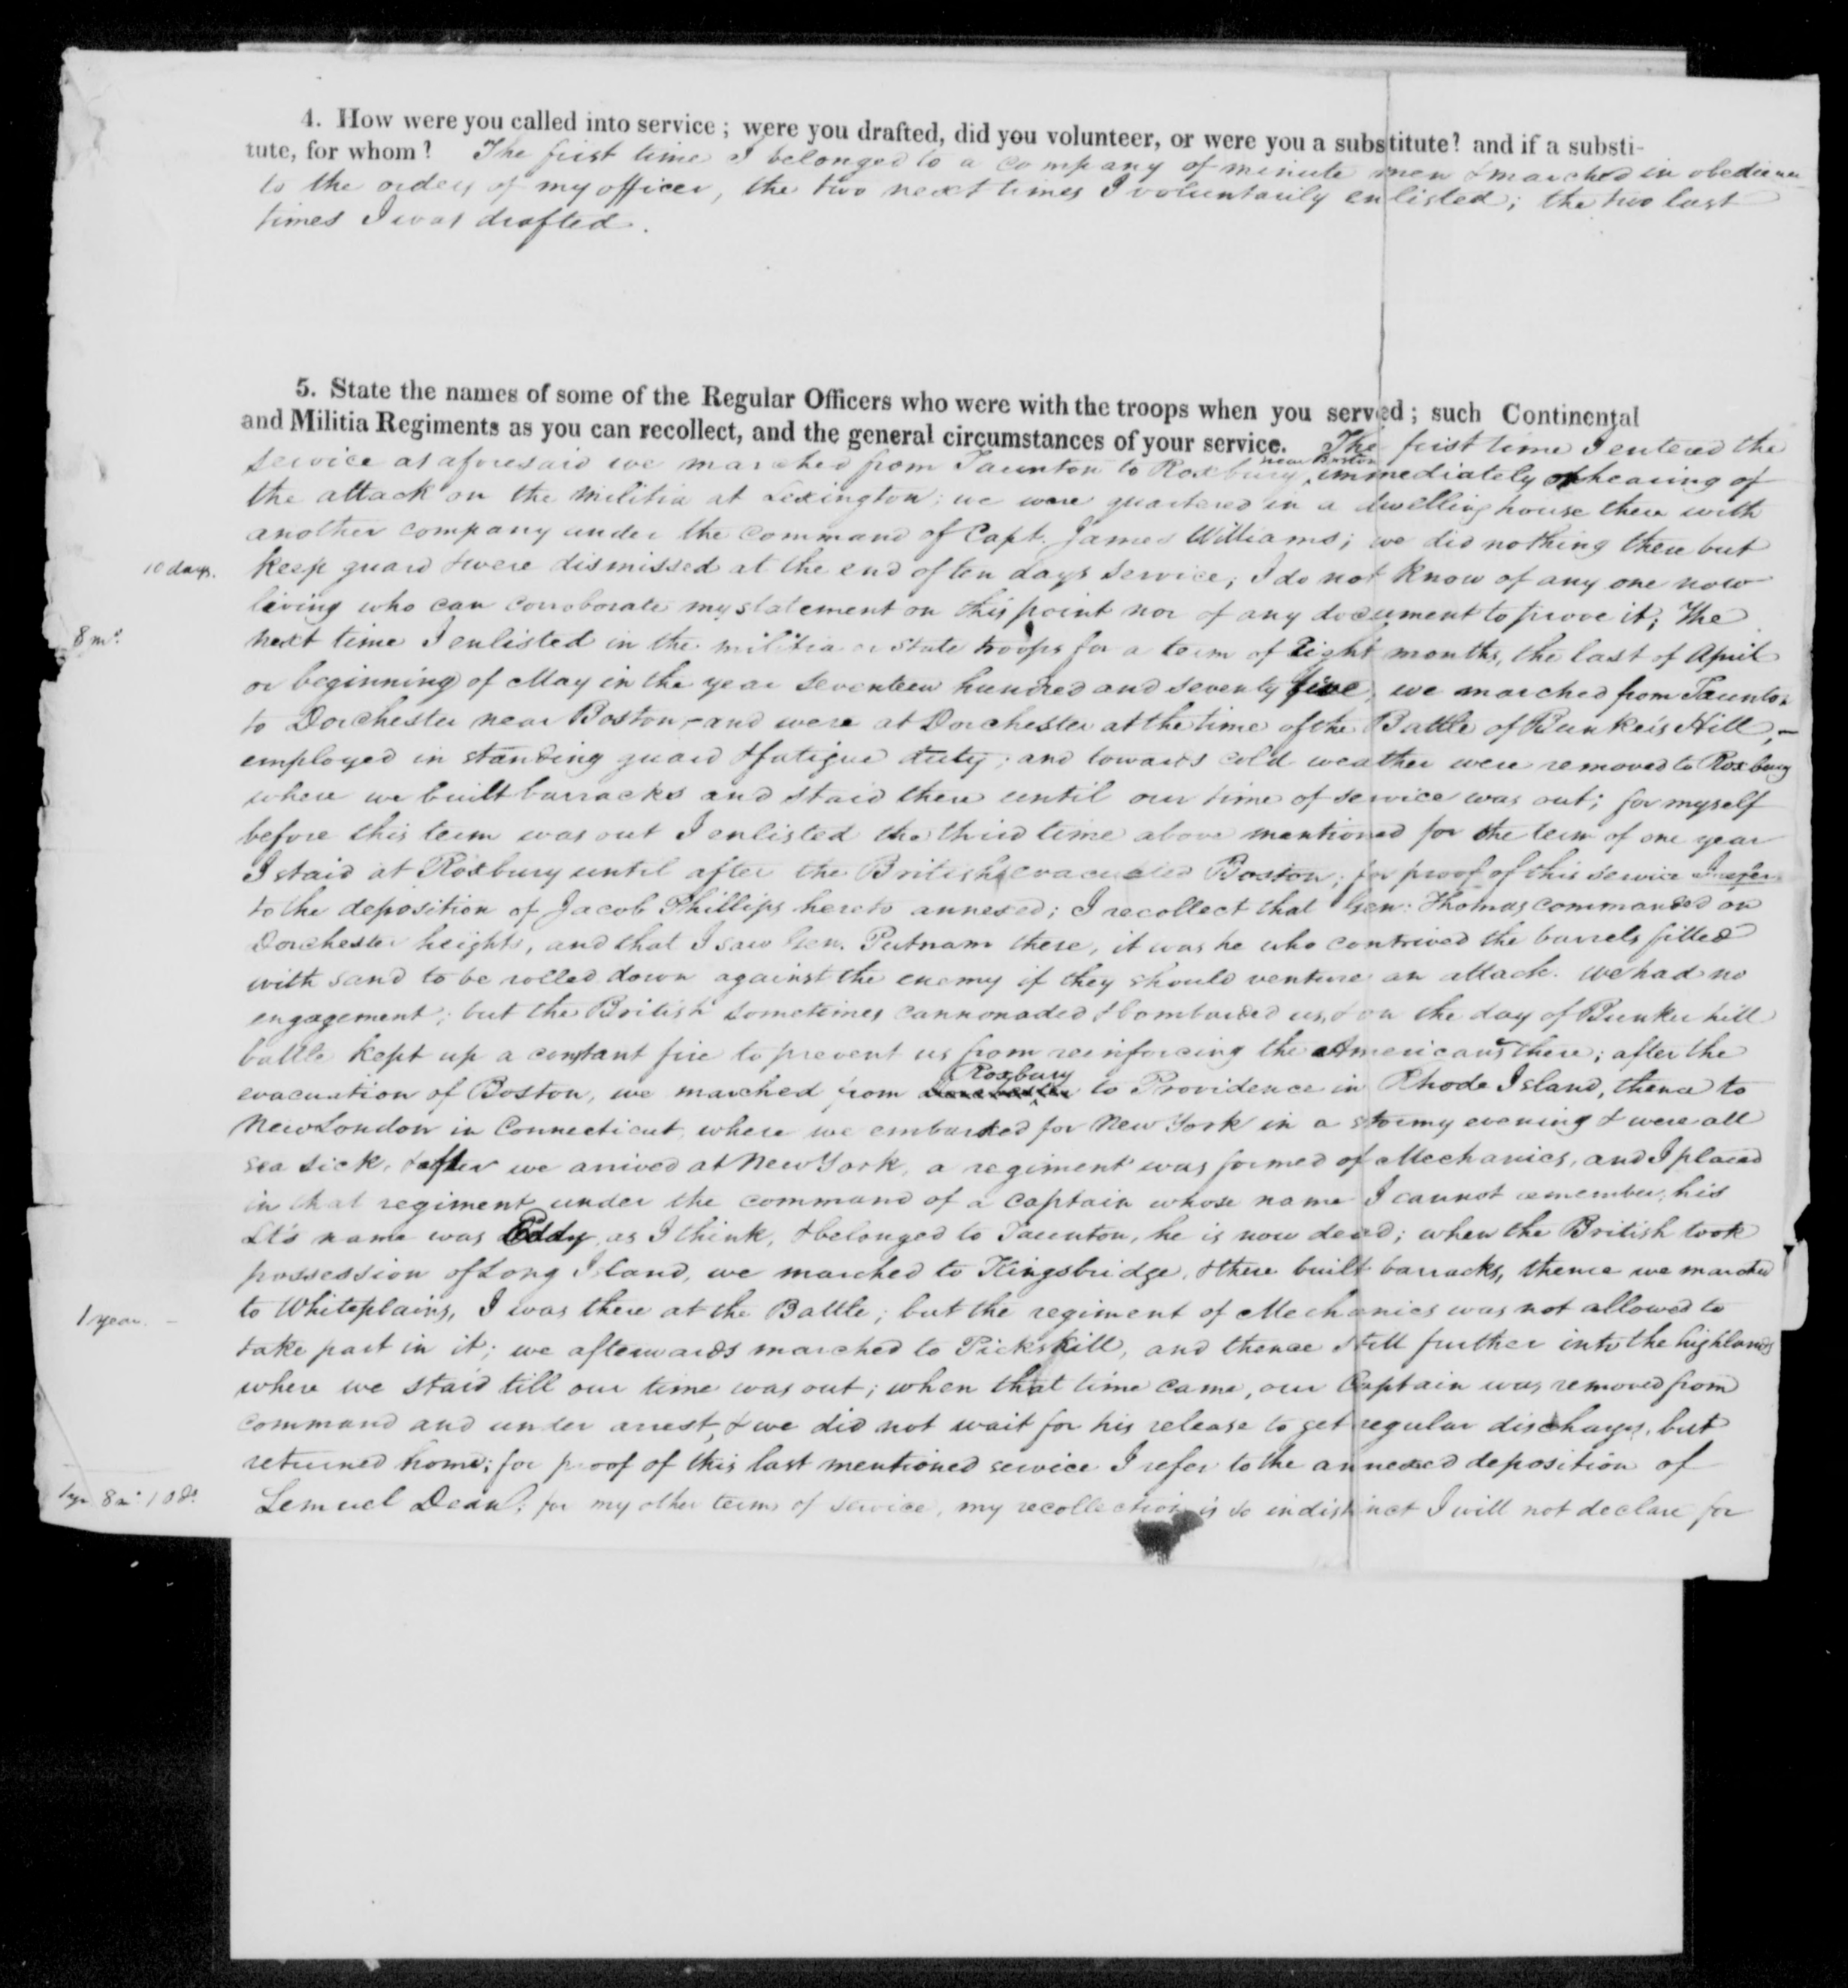4. How were you called into service; were you drafted, did you volunteer, or were you a substitute? and if a substitute, for whom?
  The first time I belonged to a company of minute men & marched in obedience to the orders of my officers, the two next times I voluntarily enlisted; the two last times I was drafted.

5. State the names o some of the Regular Officers who were with the troops when you served; such Continental and Militia Regiments as you can recollect, and the general circumstances of your service.
  The first time I entered the service at aforesaid we marched from Taunton to Roxbury near Boston, immediately of hearing of the attack on the militia at Lexington; we were quartered in a dwelling house with another company under the command of Capt James Williams, we did nothing there 11 days but keep guard & were dismissed at the end of ten days service, I do not know of any one now living who can corroborate my statement on this point nor of any document to prove it; The next time I enlisted in the militia or state troops for a term of eight months, the last of April or beginning of May in the year Seventeen hundred an seventy five we marched from Taunton to Dorchester near Boston and were at Dorchester at the time of the Battle of Bunkerhill,- employed in standing guard & fatigue duty; and towards cold 
weather were removed to Roxbury where we built barracks and staid there until our time of service was out; for myself before this term was out;  for myself before this term was out I enlisted the third time above mentioned for the term of one year 
I staid at Roxbury until after the British evacuated Boston; for proof of this service I refer to the deposition of Jacob Phillips hereto annexed; I recollect that Gen Thomas commanded on Dochester heights, and that I saw Gen. Putman there, it was he who continued the barrels filled with sand to be rolled down against the enemy if they should venture an attack. We had no engagements; but the British sometimes commanded & bombarded us & on the day of Bunkerhill battle kept up a constant fire to prevent us from reinforcing the Americans there; after the evacuation of Boston, we marched from Roxbury to Providence in Rhode Island, then to New London in Connecticut where we embarked for New York in a stormy evening & were all sea sick & after we arrived at New York, a regiment was formed of Mechanics and I placed in that regiment under the command of a Captain whose name I cannot remember, his Lt’s name was Eddy, as I think & belonged to Taunton, he is now dead; when the British took possession of Long Island, we marched to Kingsbridge, & there built barracks, thence we marched to Whiteplains, I was there at the Battle; but the regiment of Mechanics was not allowed to take part in it; we afterwards marched to Pickskill, and thence still further into the highlands where we staid till our time was out; when that time came, our Captain was removed from command and under arrest, & we did not wait for his release to get regular discharge, but returned home, for proof of this last mentioned service I refer to the annexed deposition of Lemuel Dean
for my other terms of service, my recollections is so indistinct I will not declare for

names: Eddy, Jacob Phillips, James Williams, Thomas, Putnam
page: 15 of 34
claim: widow's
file: W. 1677, Isaac Washburn, Mass.